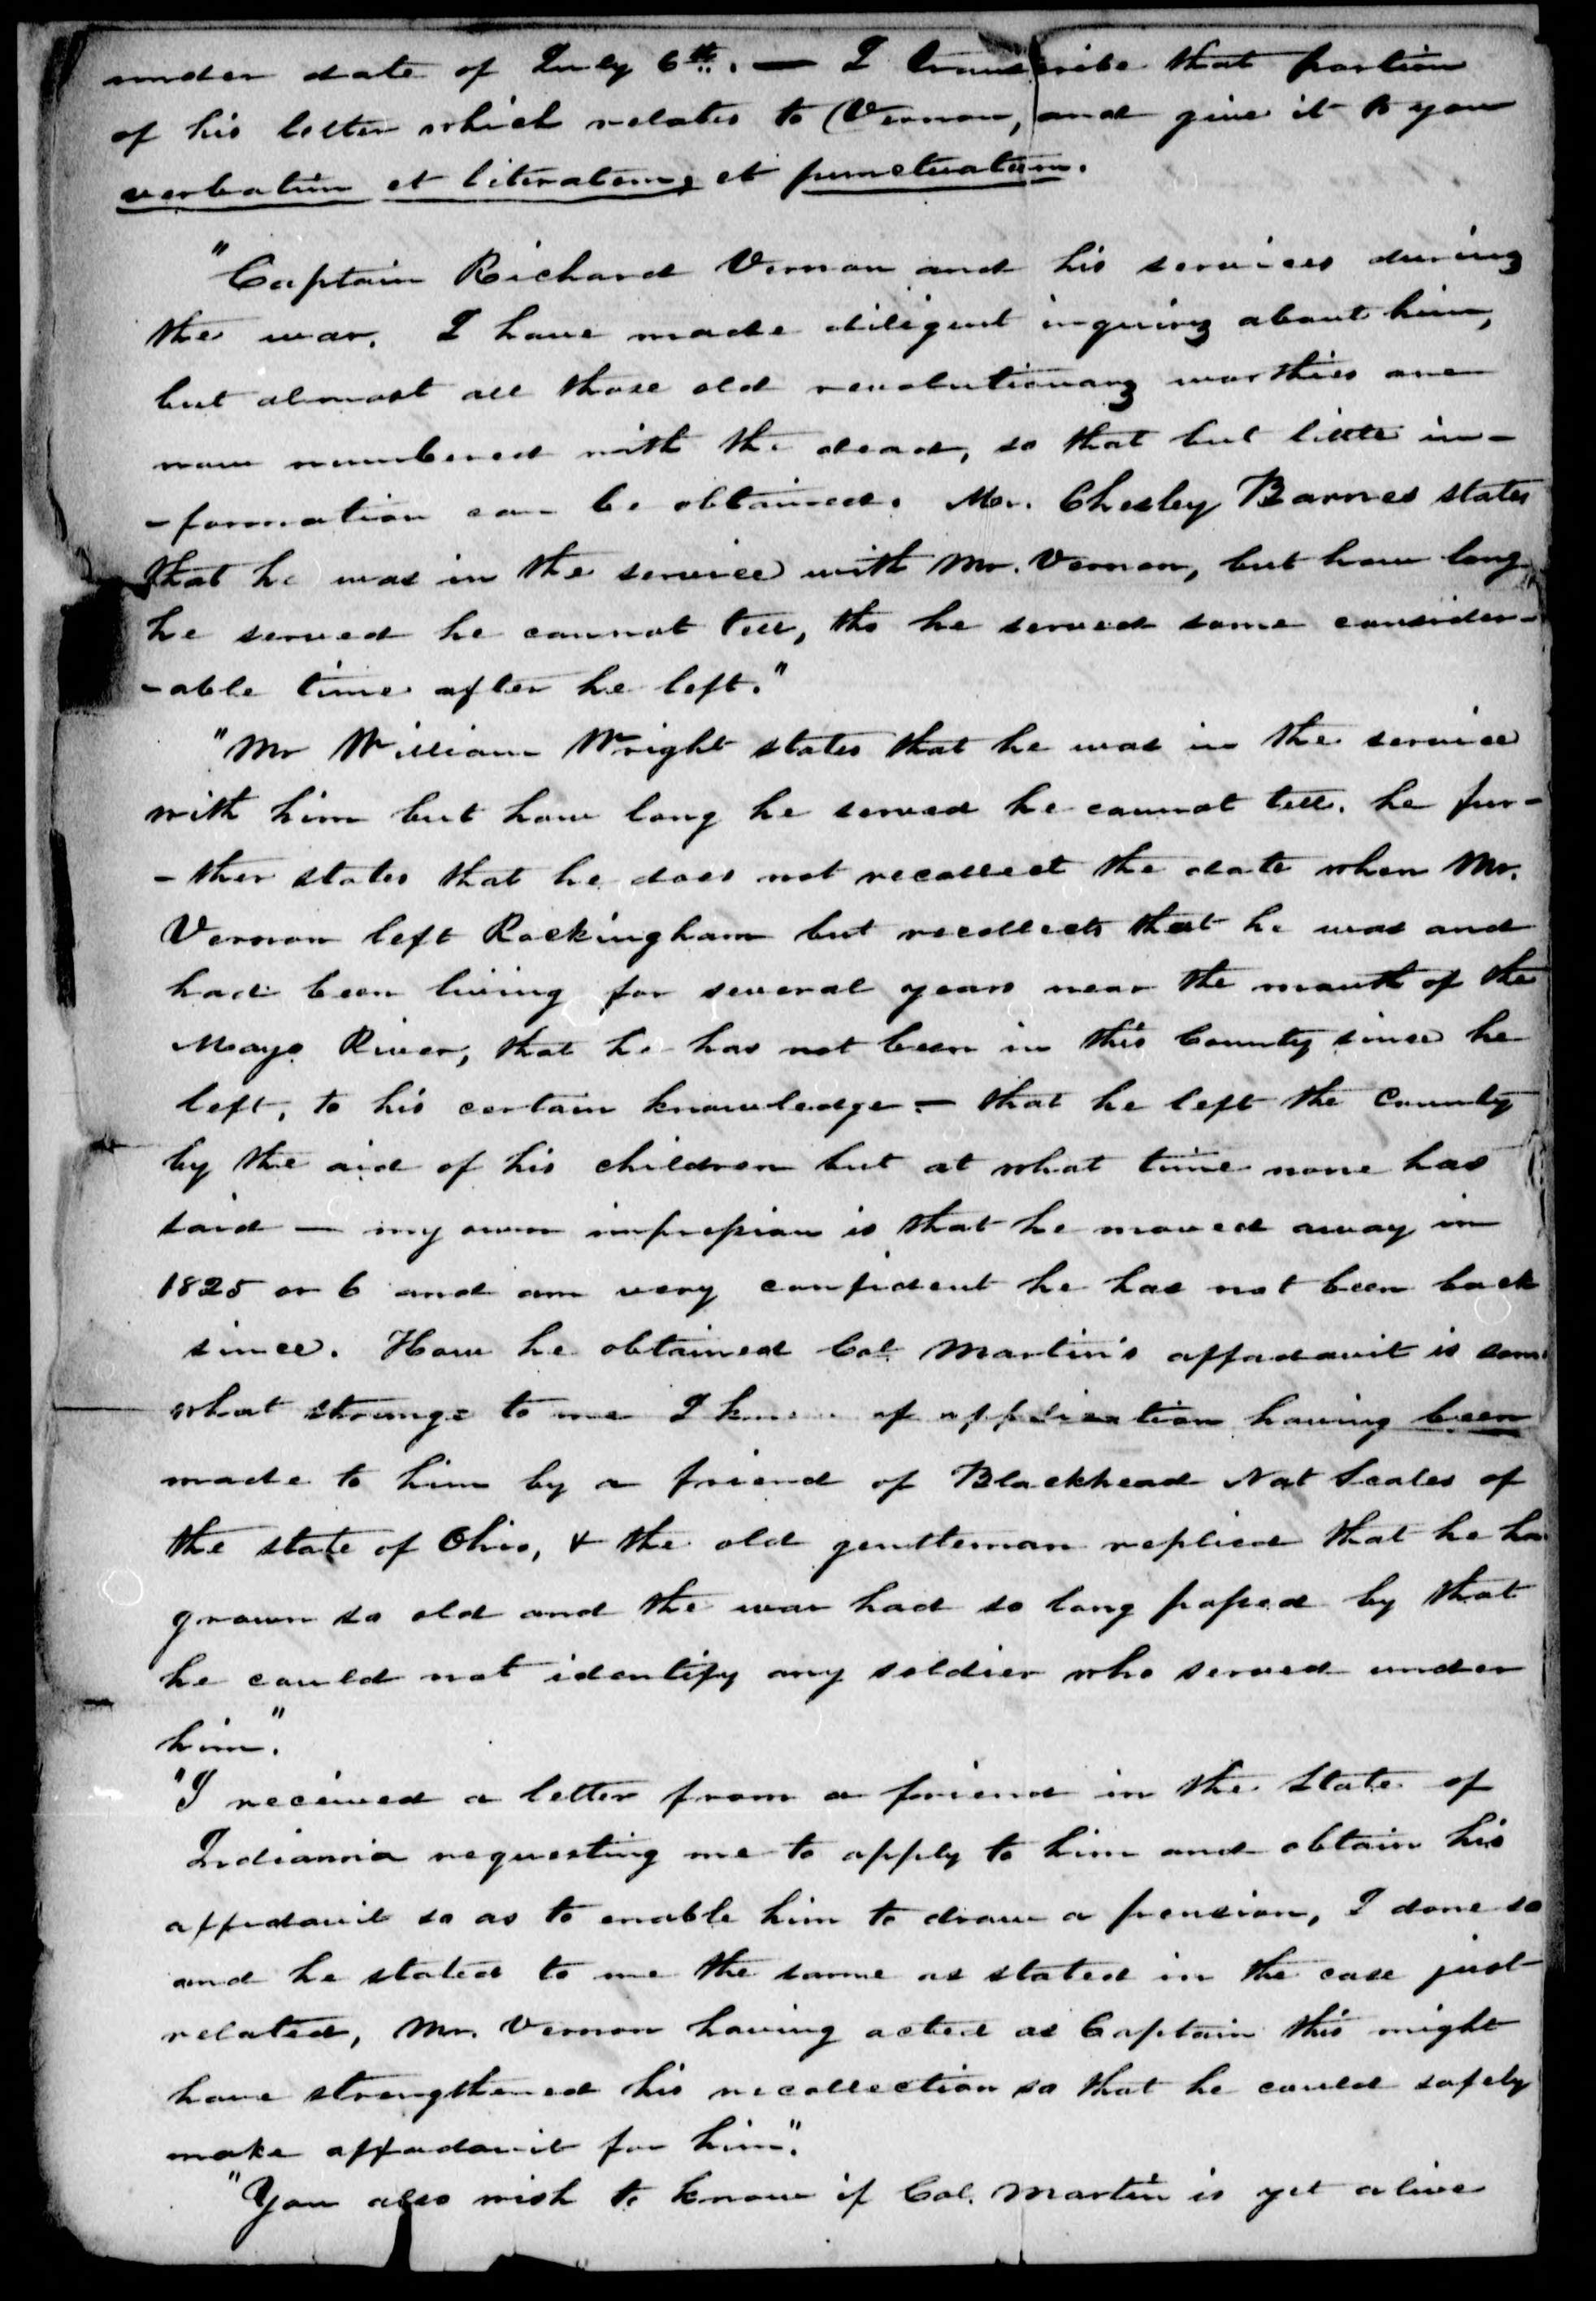under date of July 6th. – I transcribe that portions of his letter which relates to Vernon, and give it to you verbatim et literations et punctuation.
“Captain Richard Vernon and his services during the war. I have made diligent inquiry about him, but almost all those old revolutionary worthies are now numbered with the dead, so that but little information can be obtained.  Mr. Chesley Barnes states that he was in the service with Mr. Vernon, but how long he served he cannot tell, tho he served some considerable time after he left.”
“Mr. William Wright states that he was in the service with him but how long he served he cannot tell. He further states that he does not recollect the date when Mr. Vernon left Rockingham but recollects that he was and had been living for several years near the mouth of the Mays River, that he has not been in this county since he left, to his certain knowledge. -  that he left the county by the aid of his children but at what time none has said – my own impression is that he moved away in 1825 or 6 and I am confident he has not been back since.  How he obtained Col. Martin’s affidavit is some what strange to me. I know of applications having been made to him by a friend of Blackhead Nat Scales of the state of Ohio, & the old gentleman replied that he has grown so old and the war had so long passed by that he could not identify any soldier who served under him.”
“I received a letter from a friend in the State of Indianna requesting me to apply to him and obtain his affidavit so as to enable him to draw a pension, I done so and he stated to me the same as stated in the case just related, Mr. Vernon having acted as Captain this might have strengthened his recollection so that he could safely made affidavit for him.”
“You also wish to know if Col. Martin is yet alive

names: Nat Scales, Martin, Martin, Vernon, Vernon, Vernon, Chesley Barnes, Richard Vernon, Vernon, William Wright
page: 82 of 105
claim: survivor's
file: S. 1883, Richard Vernon, N.C.